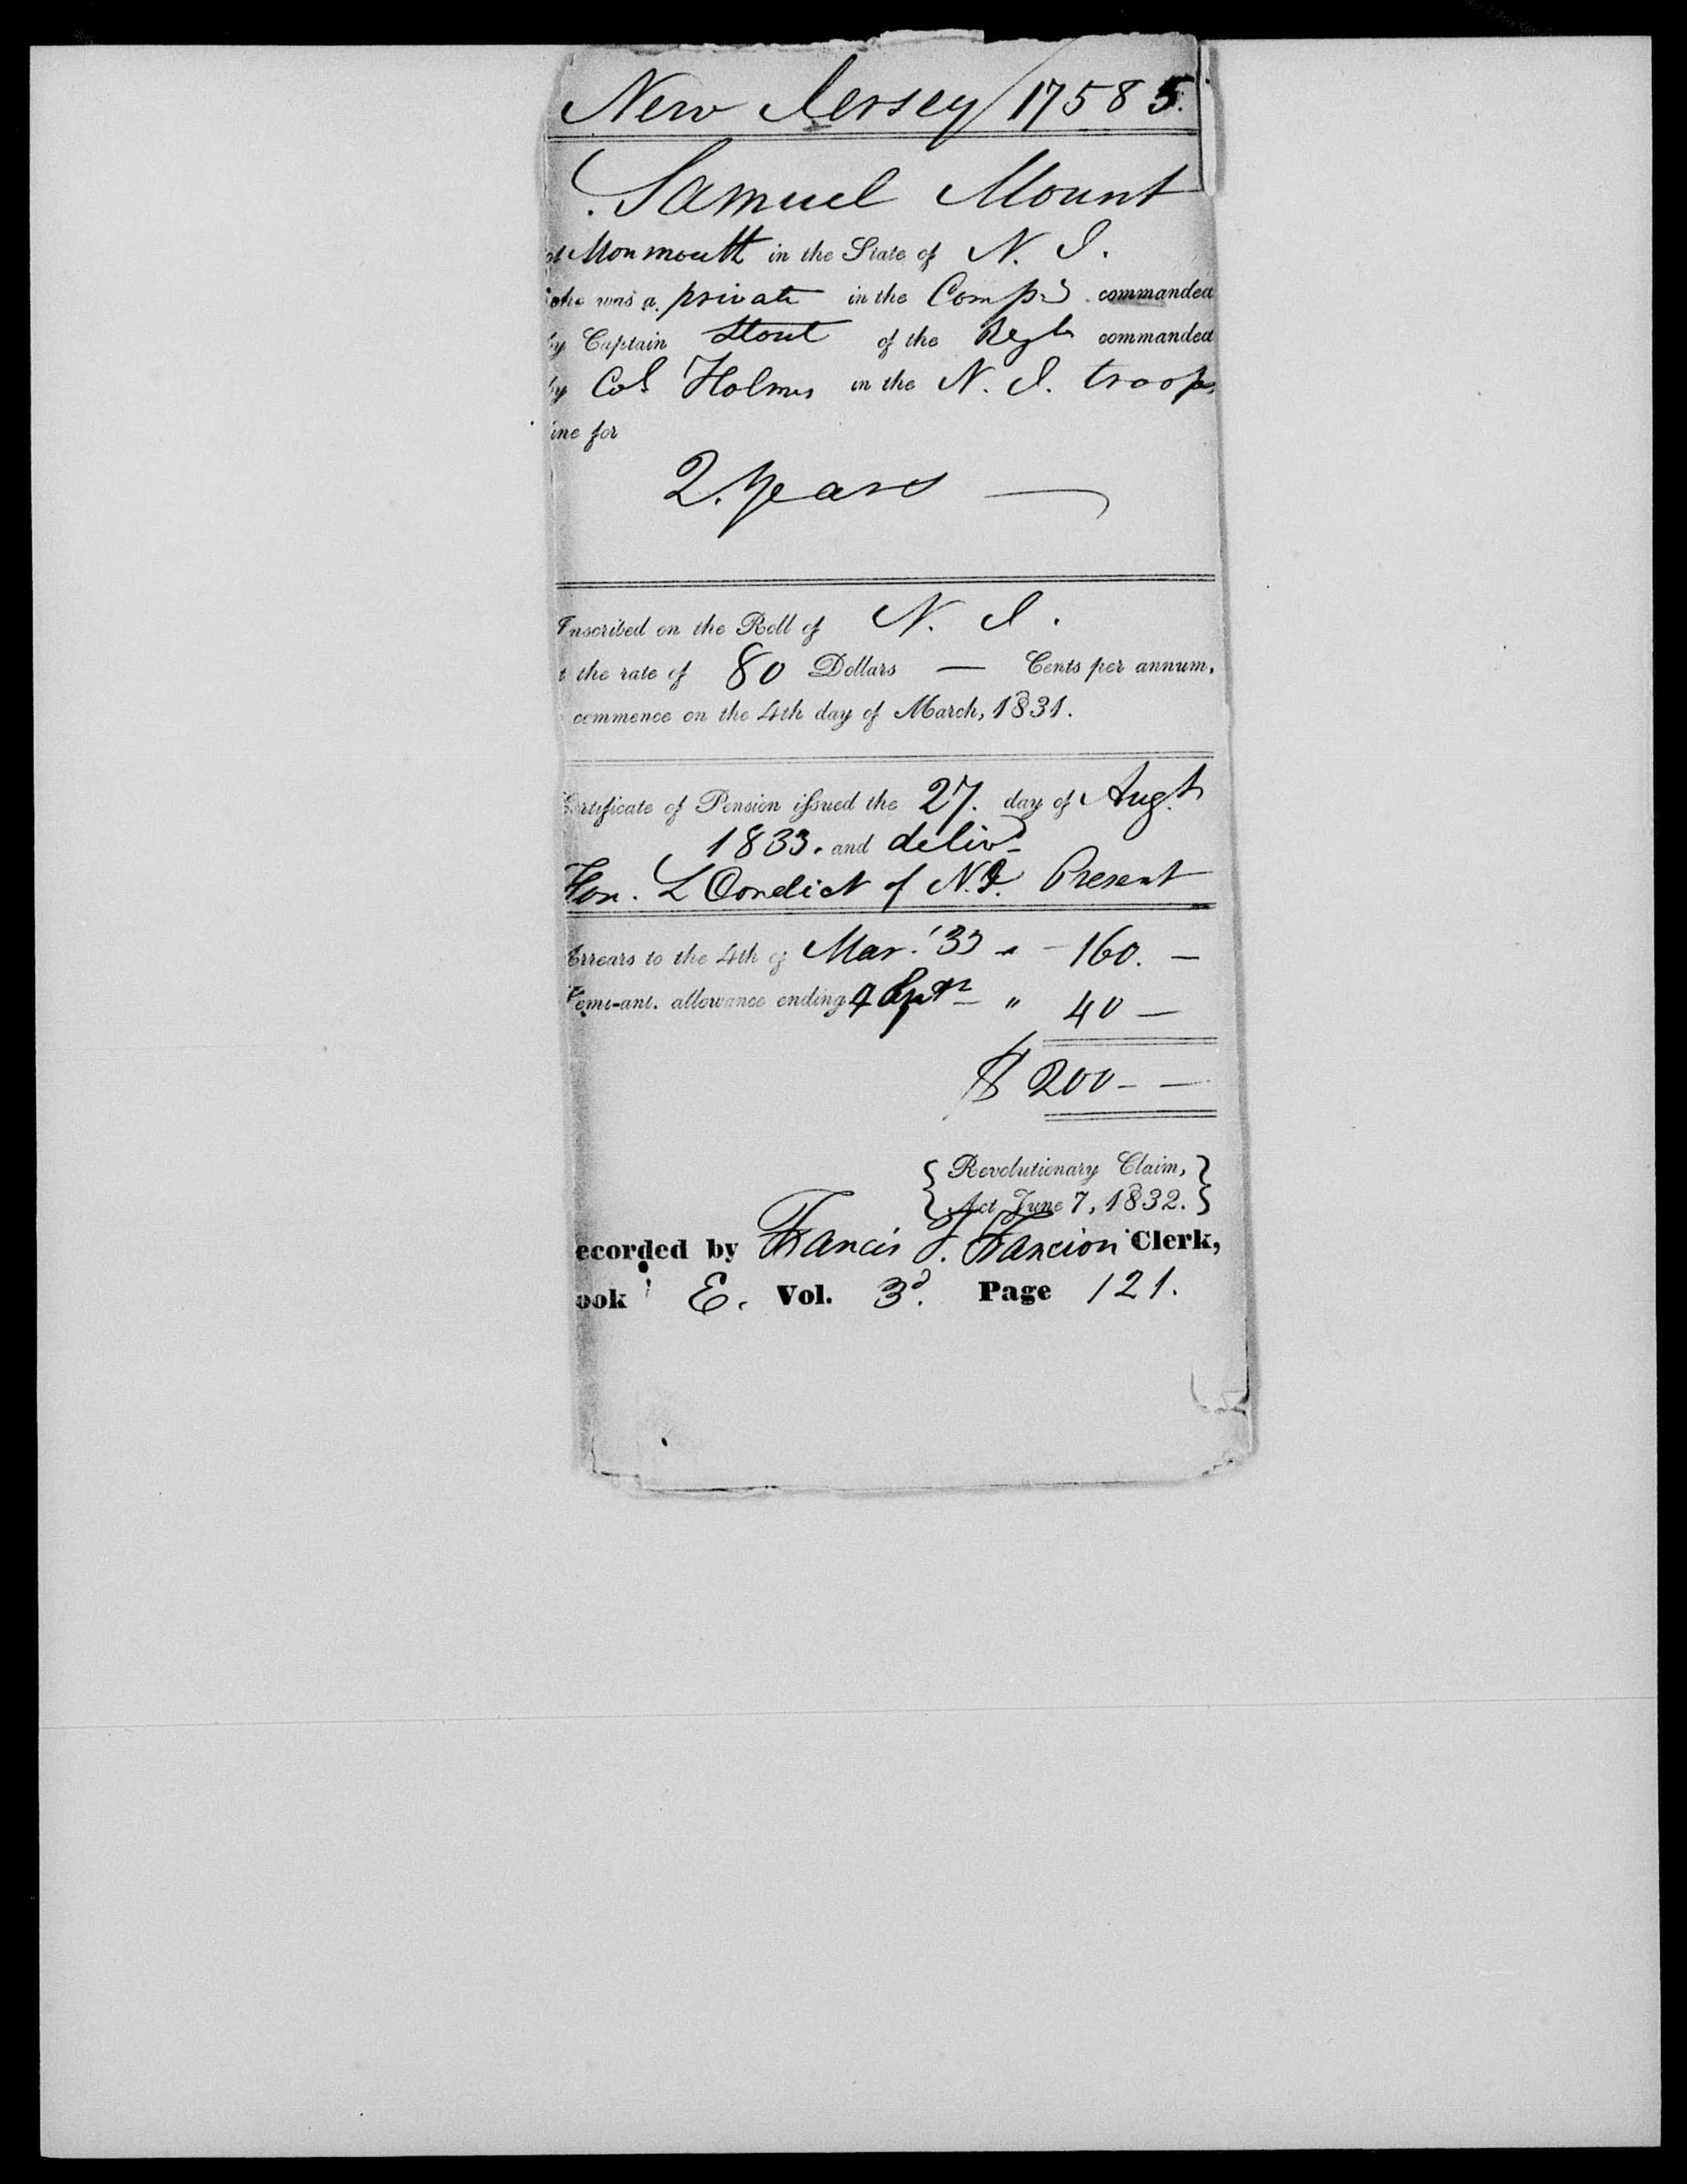New Jersey 17585
 
Samuel Mount
County of Monmouth in the State of N. J.
[     ] was private in the [Comps] commanded by Captain Stout of the Regt commanded
by Col Holmes in the N. J troops 2 years

Inscribed on the Roll of N. J. at the rate of 80 Dollars -- Cents per annum, to commence on the 4th day of March, 1831

Certificate of Pension issued the 27 day of August 1833 and delivered 
Hon. L [Condict] of N.J. Present

Arrears to the 4th of Mar 33 --         160
Semi-anl. allowance ending 4 Sept     40
                                                         $200

Revolutionary Claim Act June 7, 1832
Recorded by Francis J. [Lancion]
Book E. Vol. 3 Page 121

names: [BLANK] Stout; [BLANK] Holmes; Samuel Mount; L Condict; Francis T Franciosi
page: 2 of 20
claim: survivor's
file: S. 2870, for Samuel Mount, New Jersey